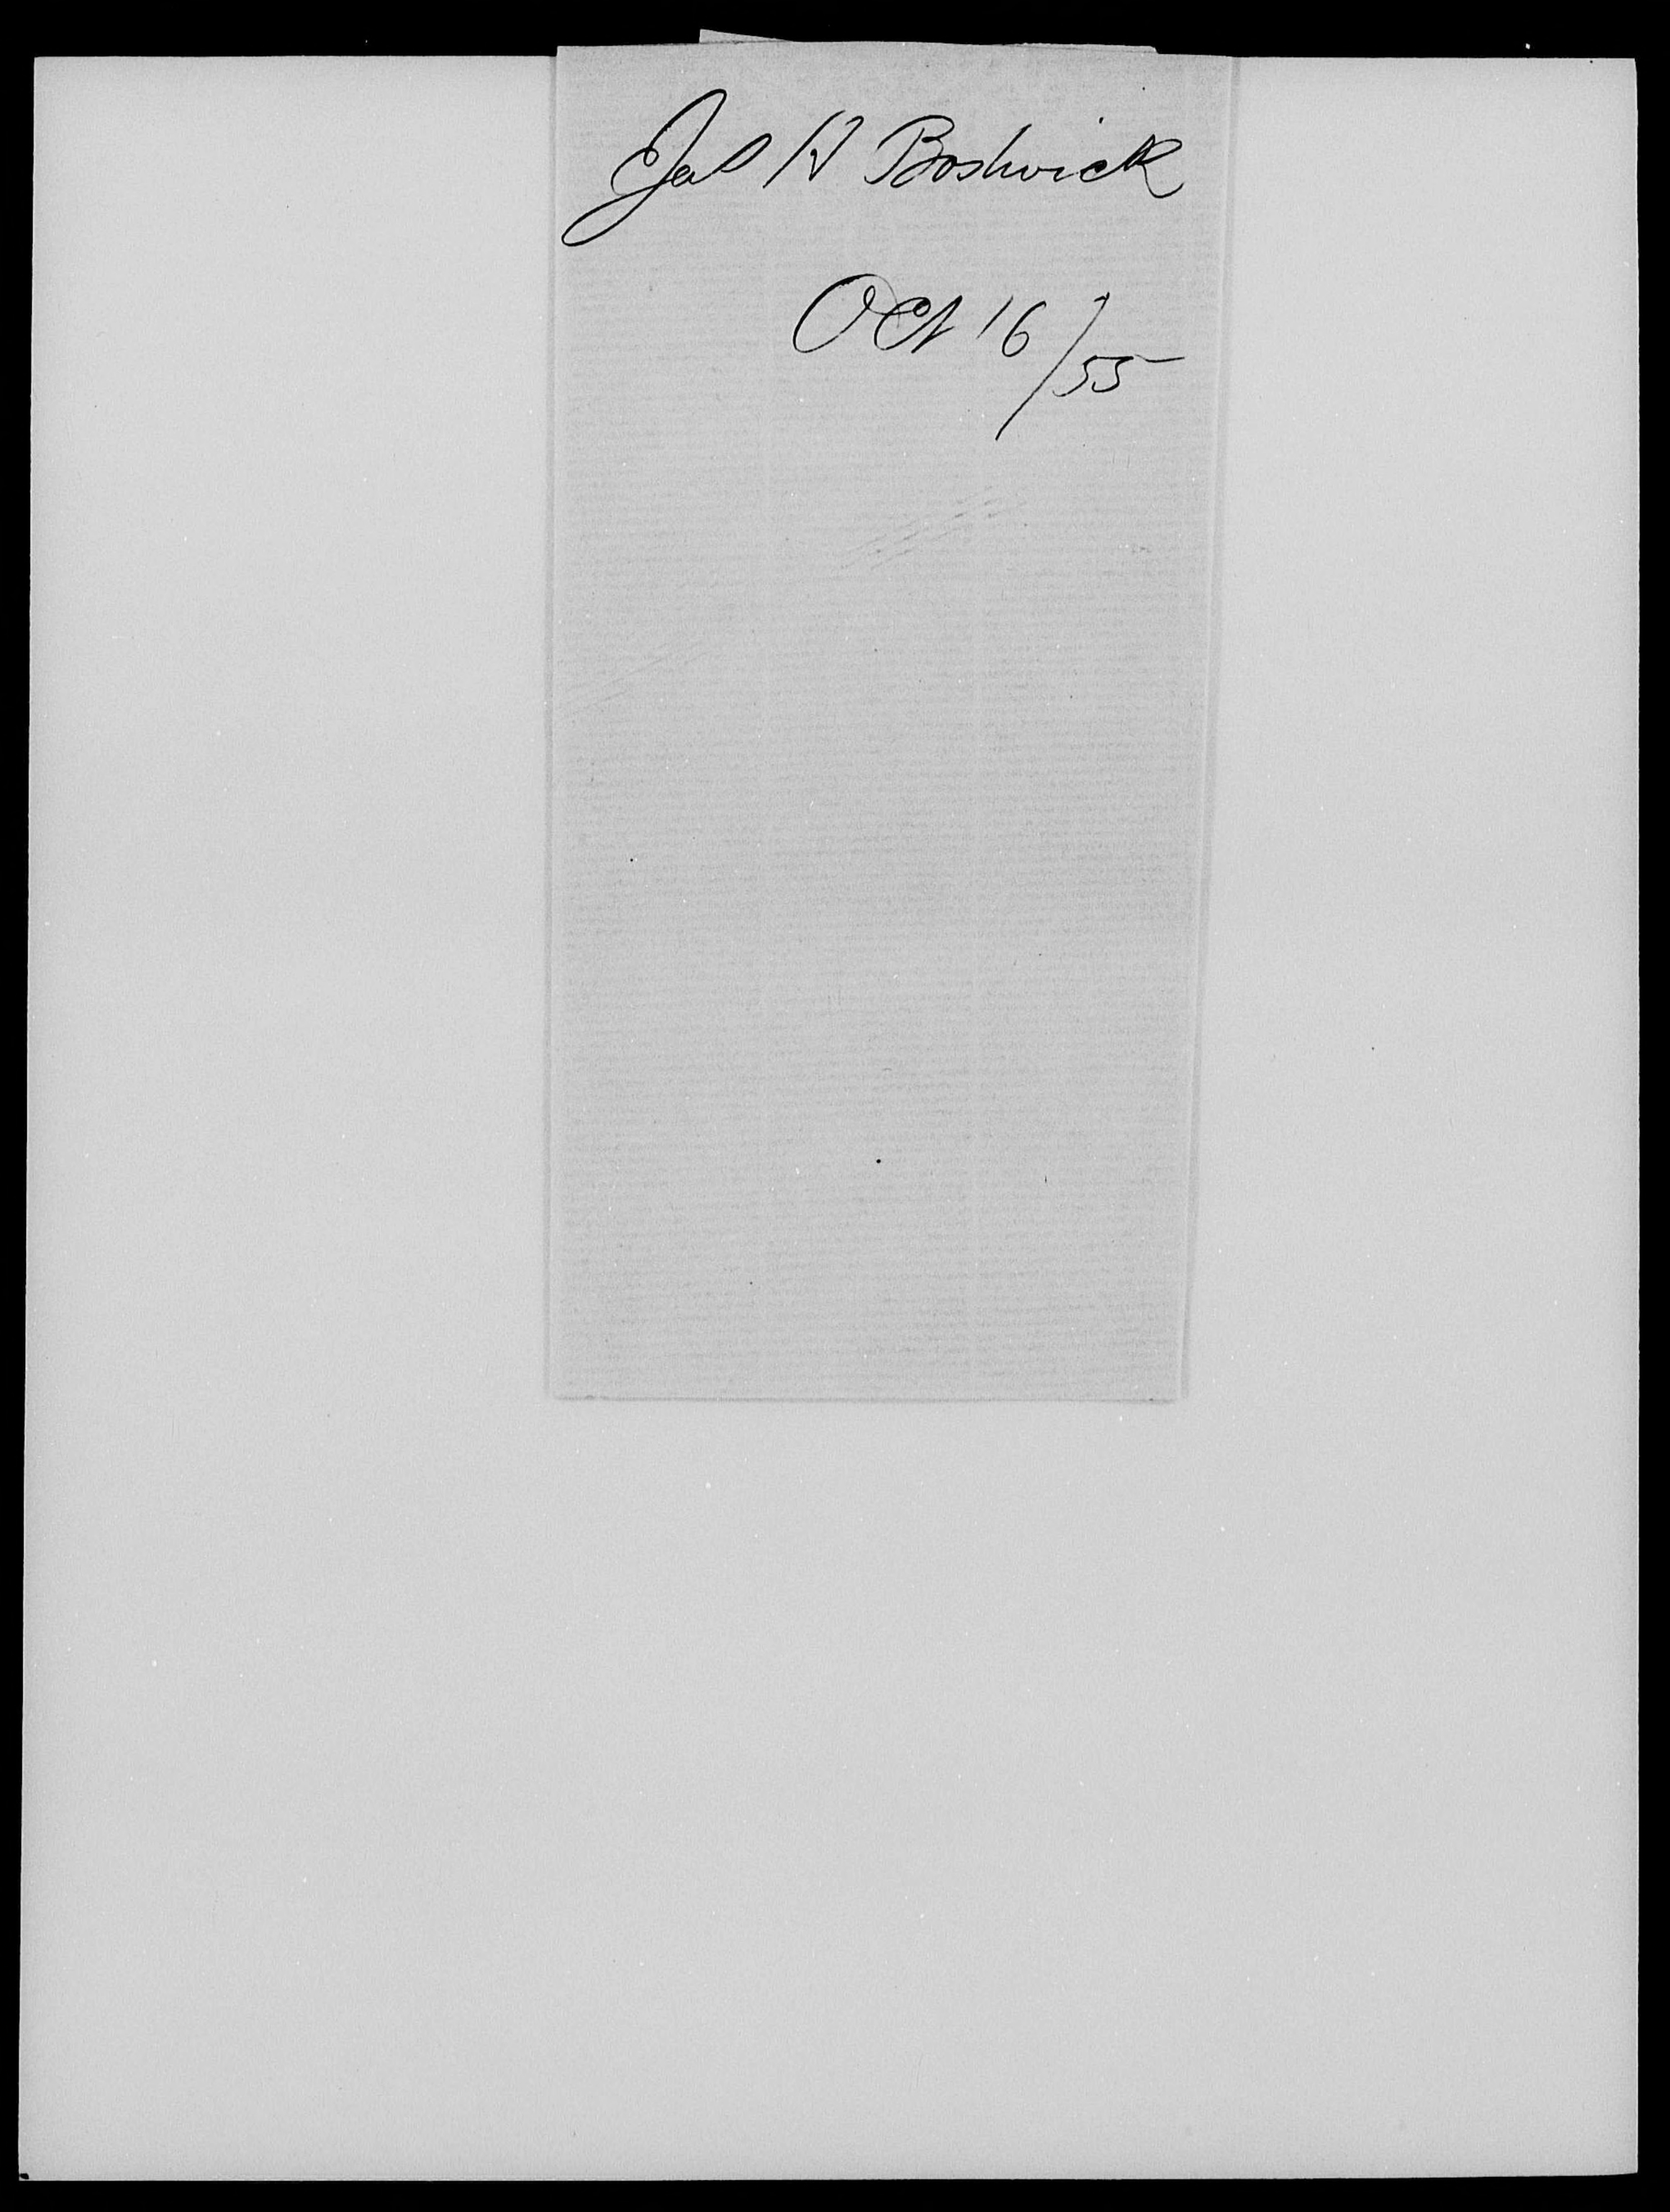Jas H. Bostwick
Oct 16 / 55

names: Jas H Bostwick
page: 27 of 43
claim: rejected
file: R. 5655, for Samuel Johnson, Connecticut